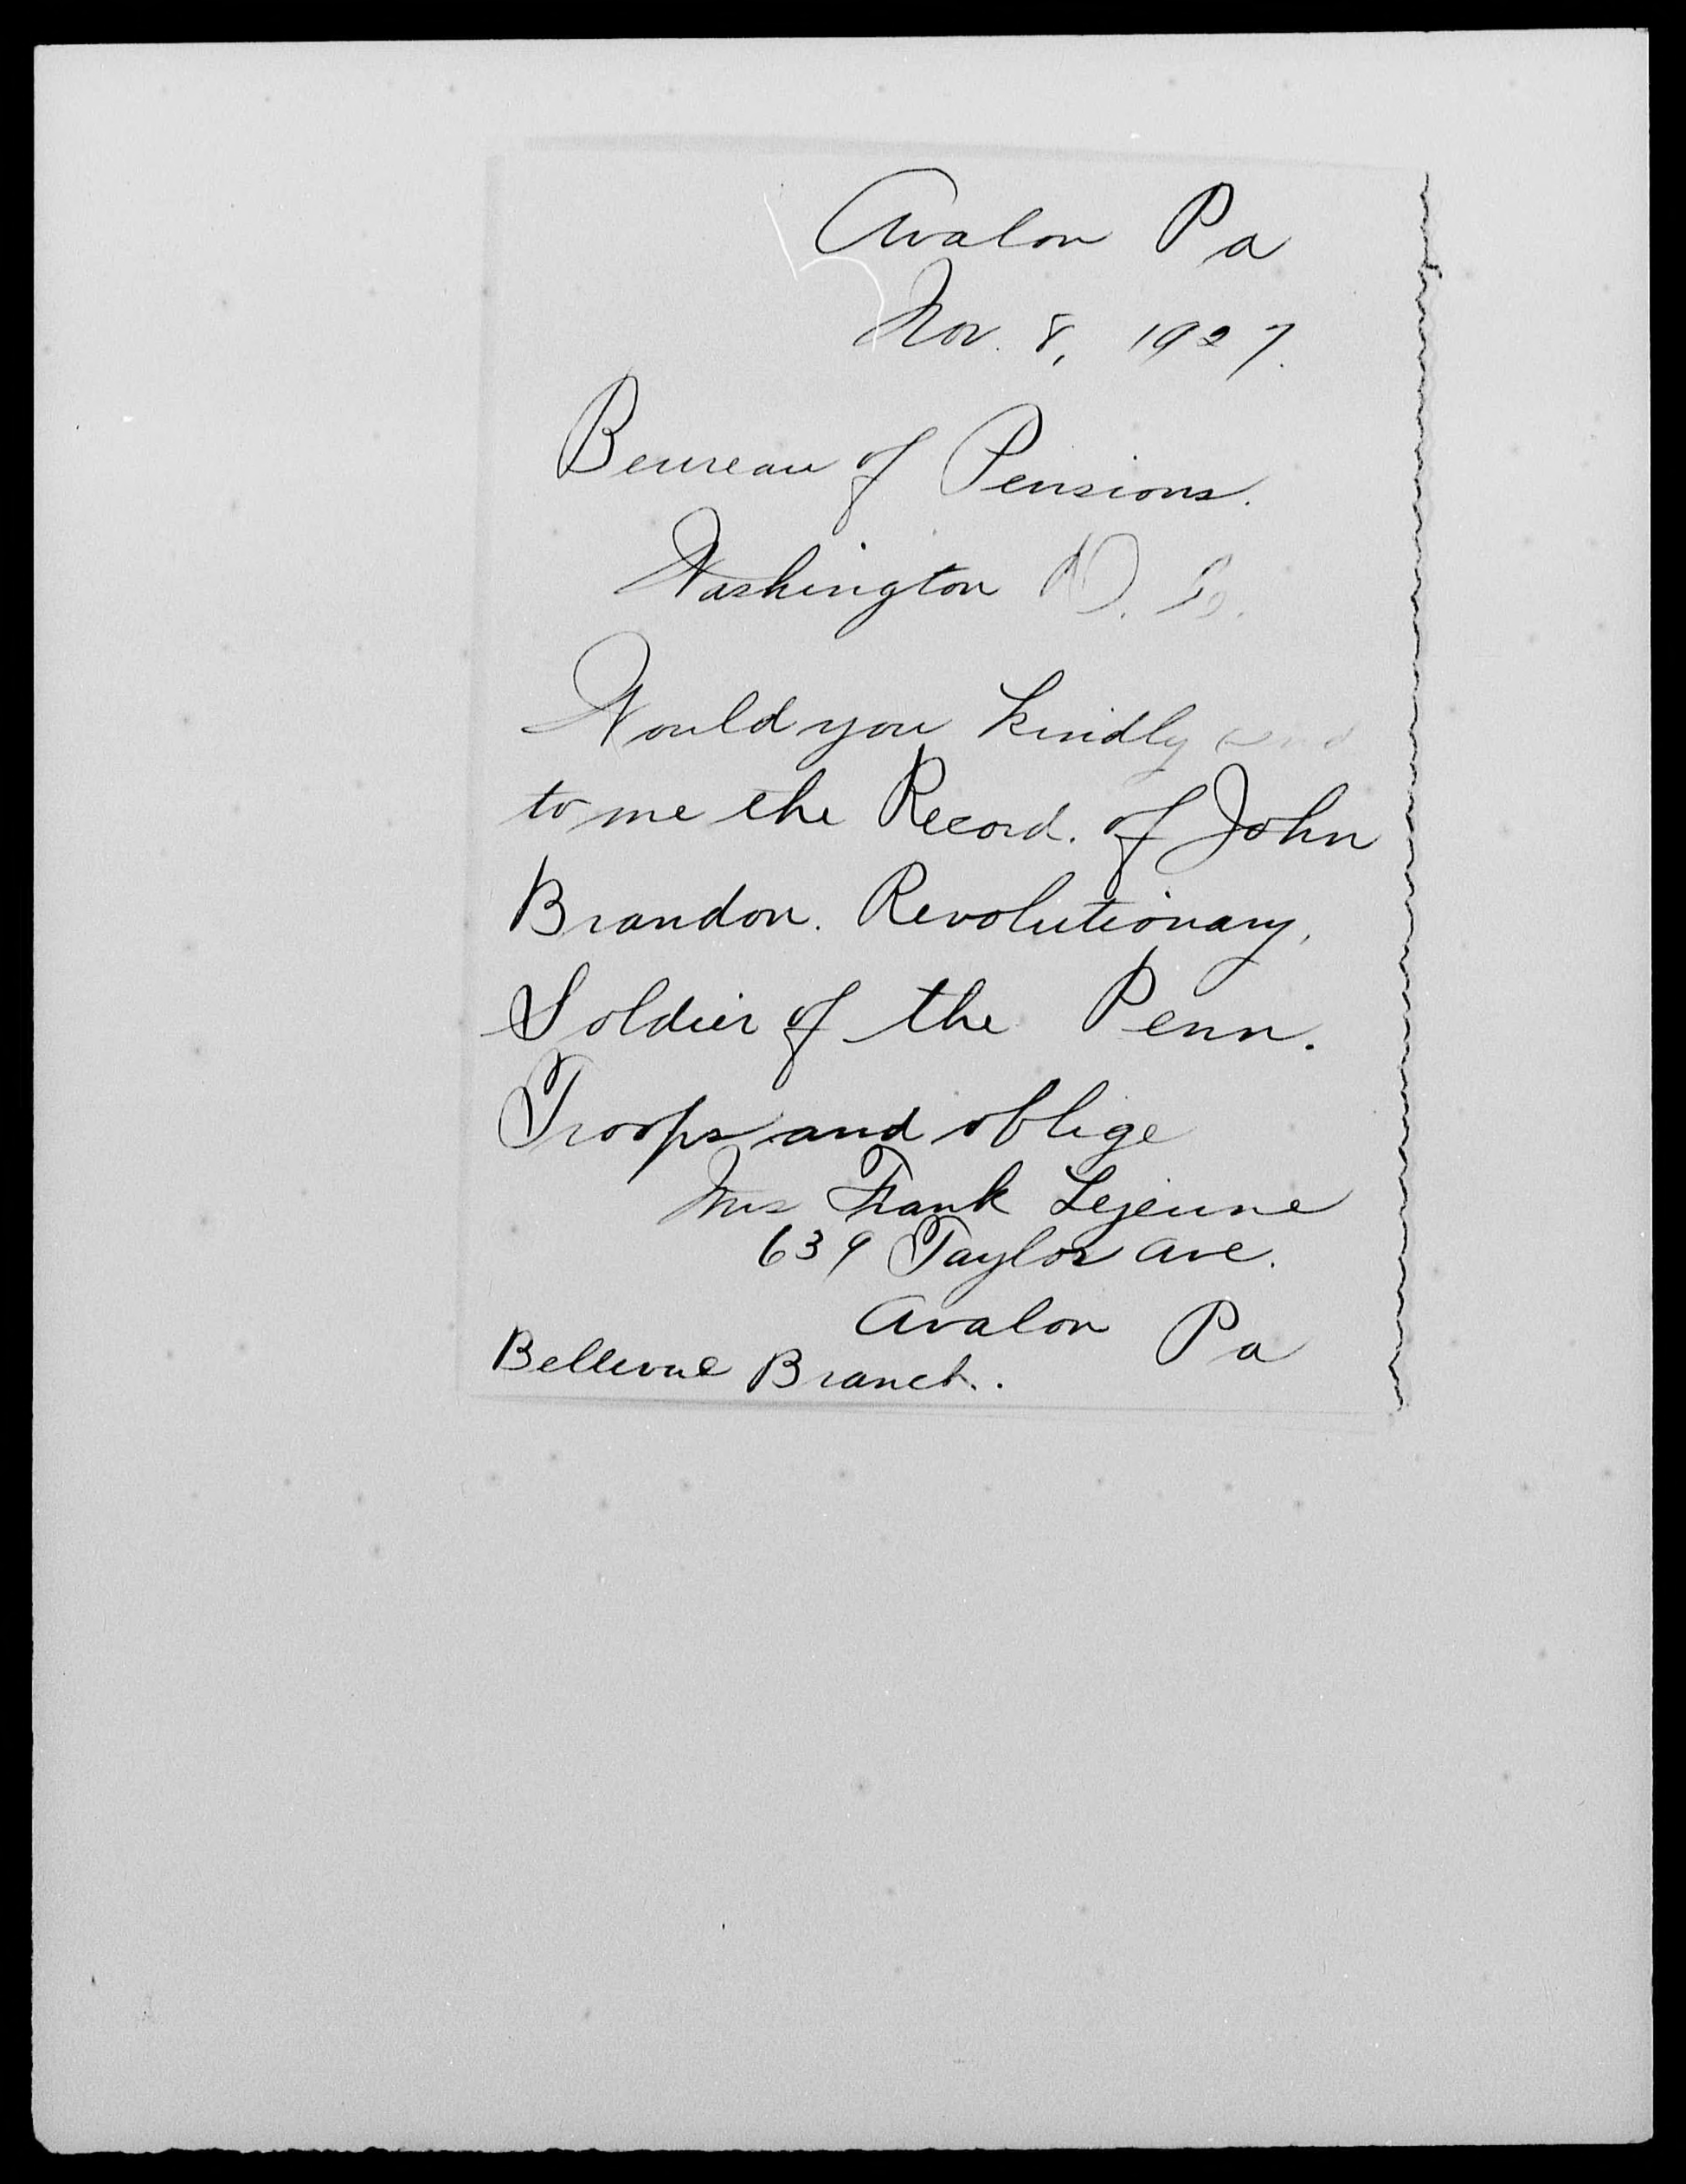Avalon Pa
Nov. 8, 1927.

Bureau of Pensions.
Washington D.C.

Would you kindly send to me the Record of John Brandon Revolutionary Soldier of the Penn. Troops and oblige
Mrs Frank Lejeune
639 Taylor Ave.
Avalon Pa
Bellevue Branch.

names: Frank Lejeune, John Brandon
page: 64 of 83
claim: widow's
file: W. 5946, John Brandon, Penn